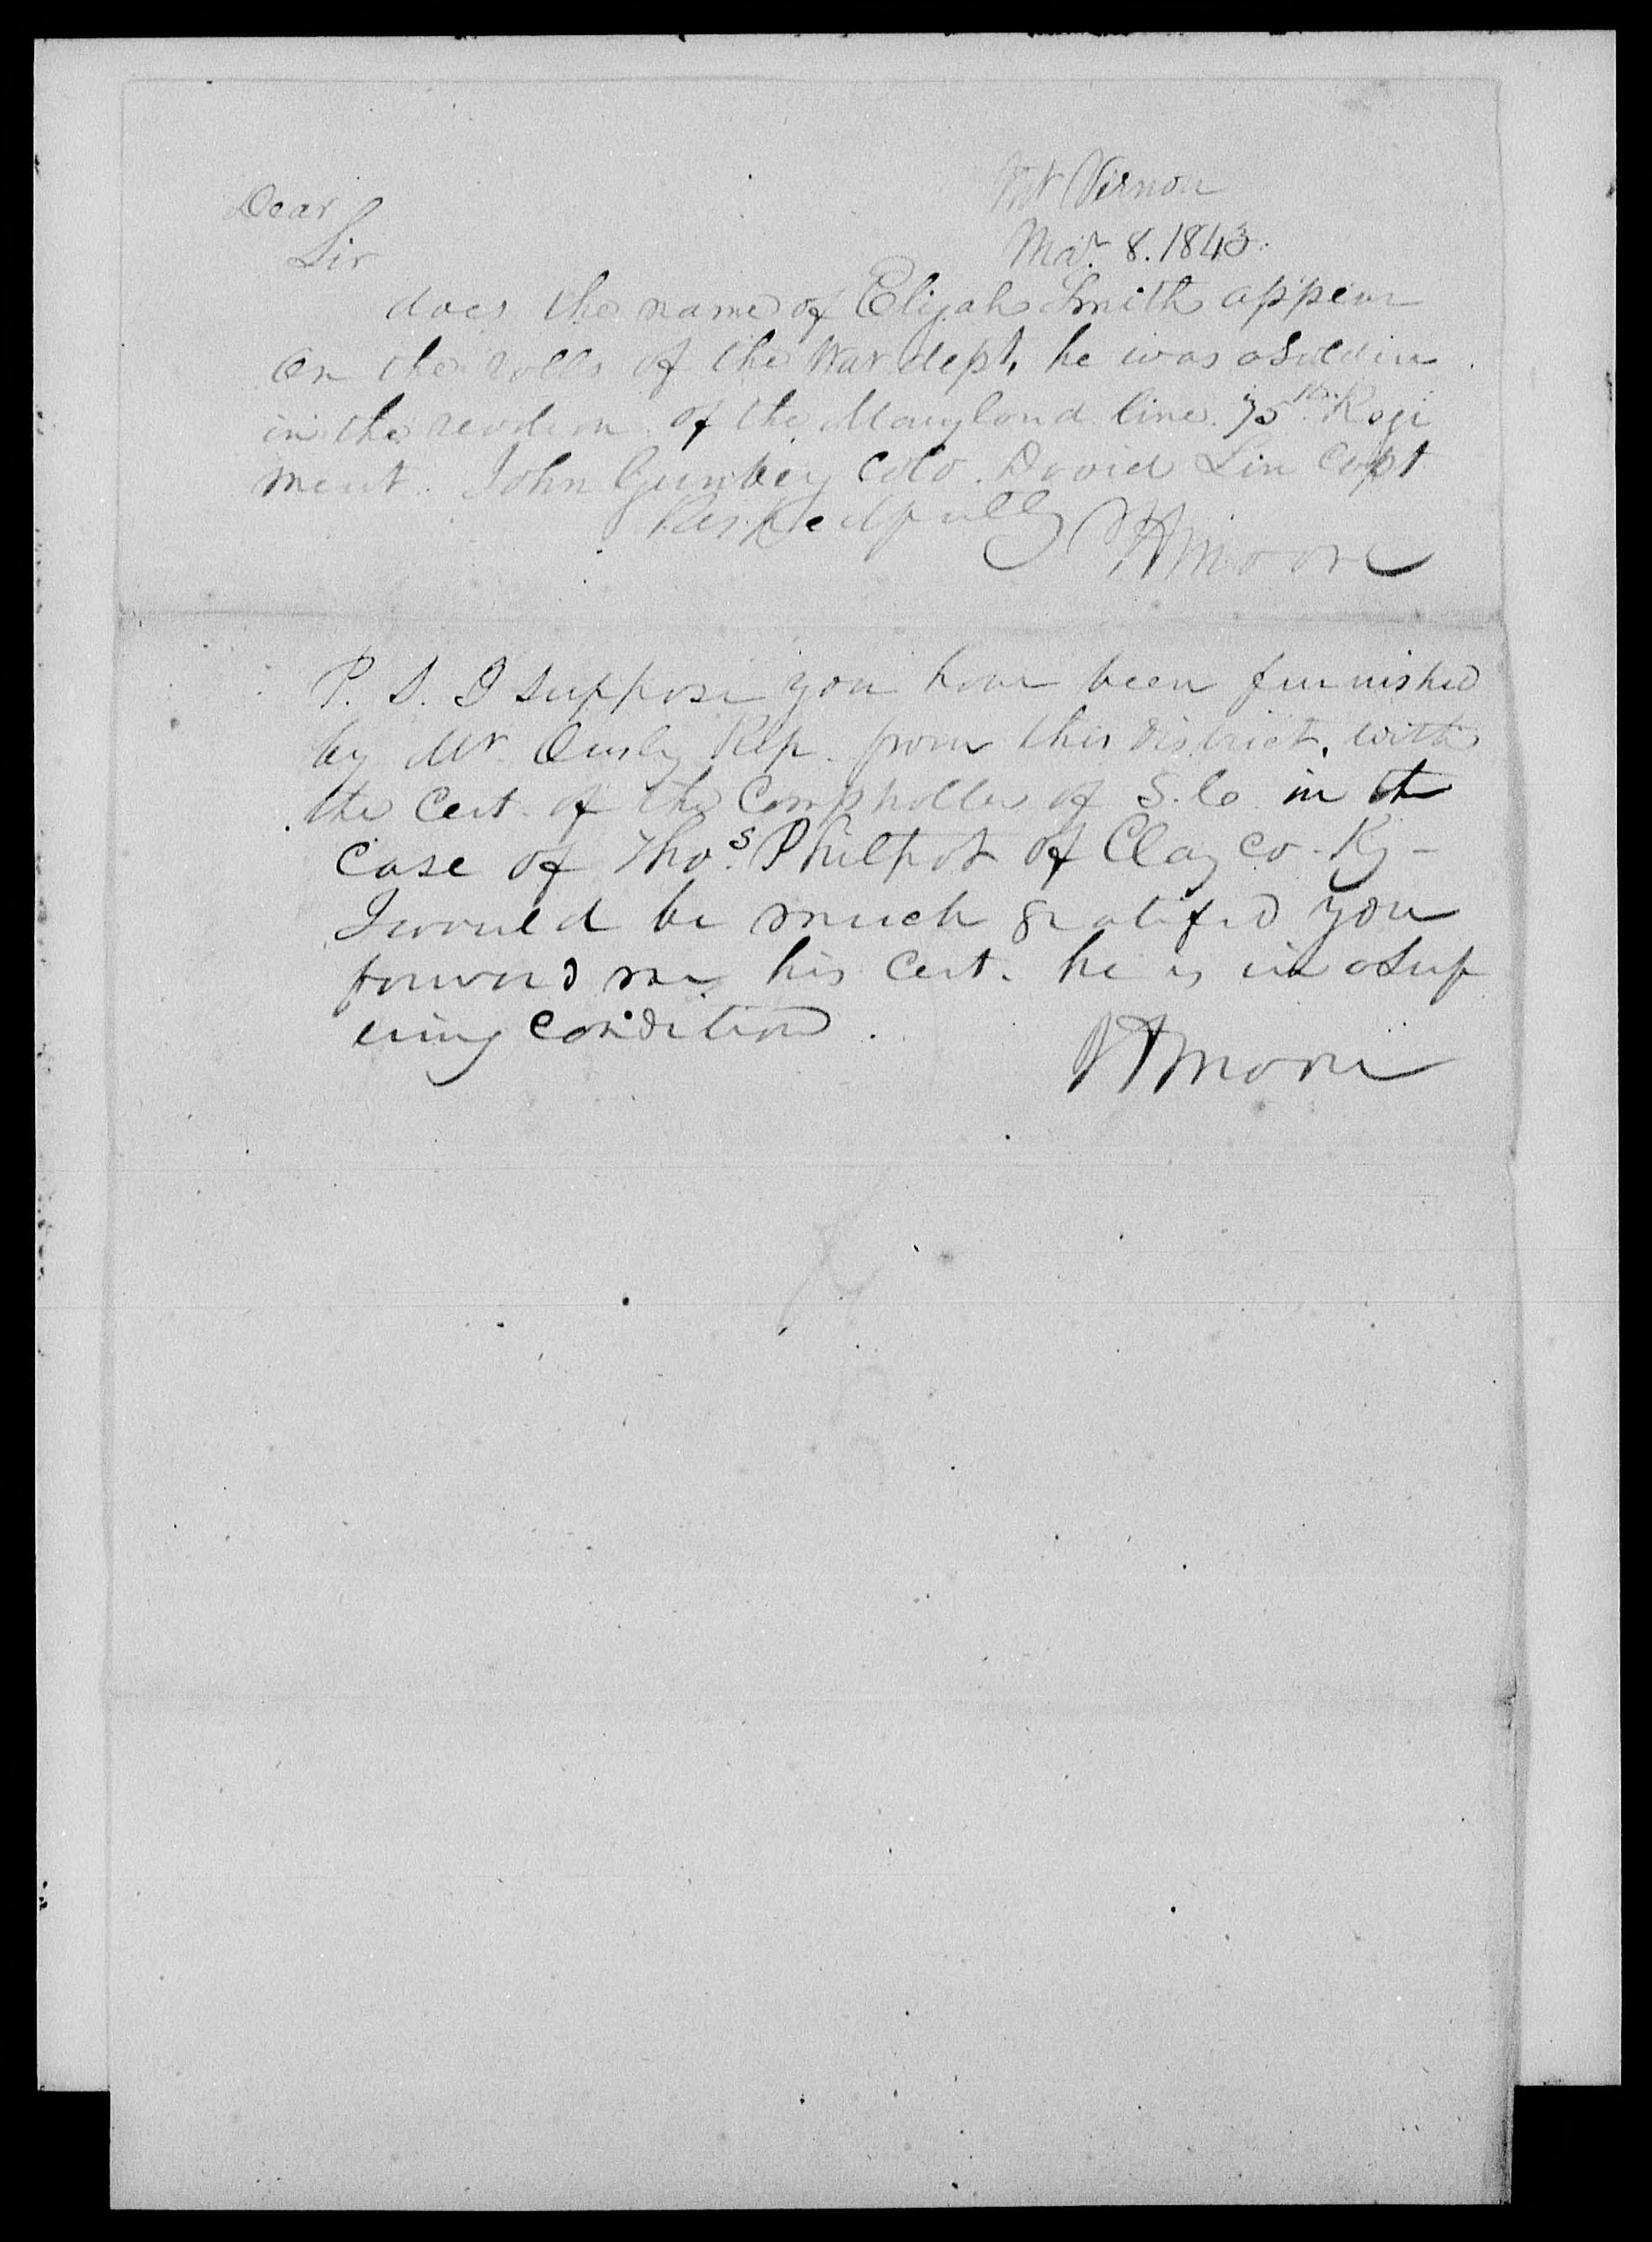Mt Vernon
Mar 8. 1843
does the name of Elijah Smith appear
on the rolls of the War dept, he was a soldier in the revolution of the Maryland line 75th Regiment John Gunbey Colo. David Lin Capt
Respectfully JA Moore
P.S. I suppose you have been furnished by Mr Owsley Rep from this district, with the cert of the Comptroller of S.C. in the
case of Thos Philpot of Clay Co.
I would be much gratified you
forward me his cert he is in suffering condition
JA Moore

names: [BLANK] Owsley; David Lin; Elijah Smith; J A Moore; Thos Philpot; John Gunbey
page: 41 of 43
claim: rejected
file: R. 8217, for Thomas Philpot, South Carolina